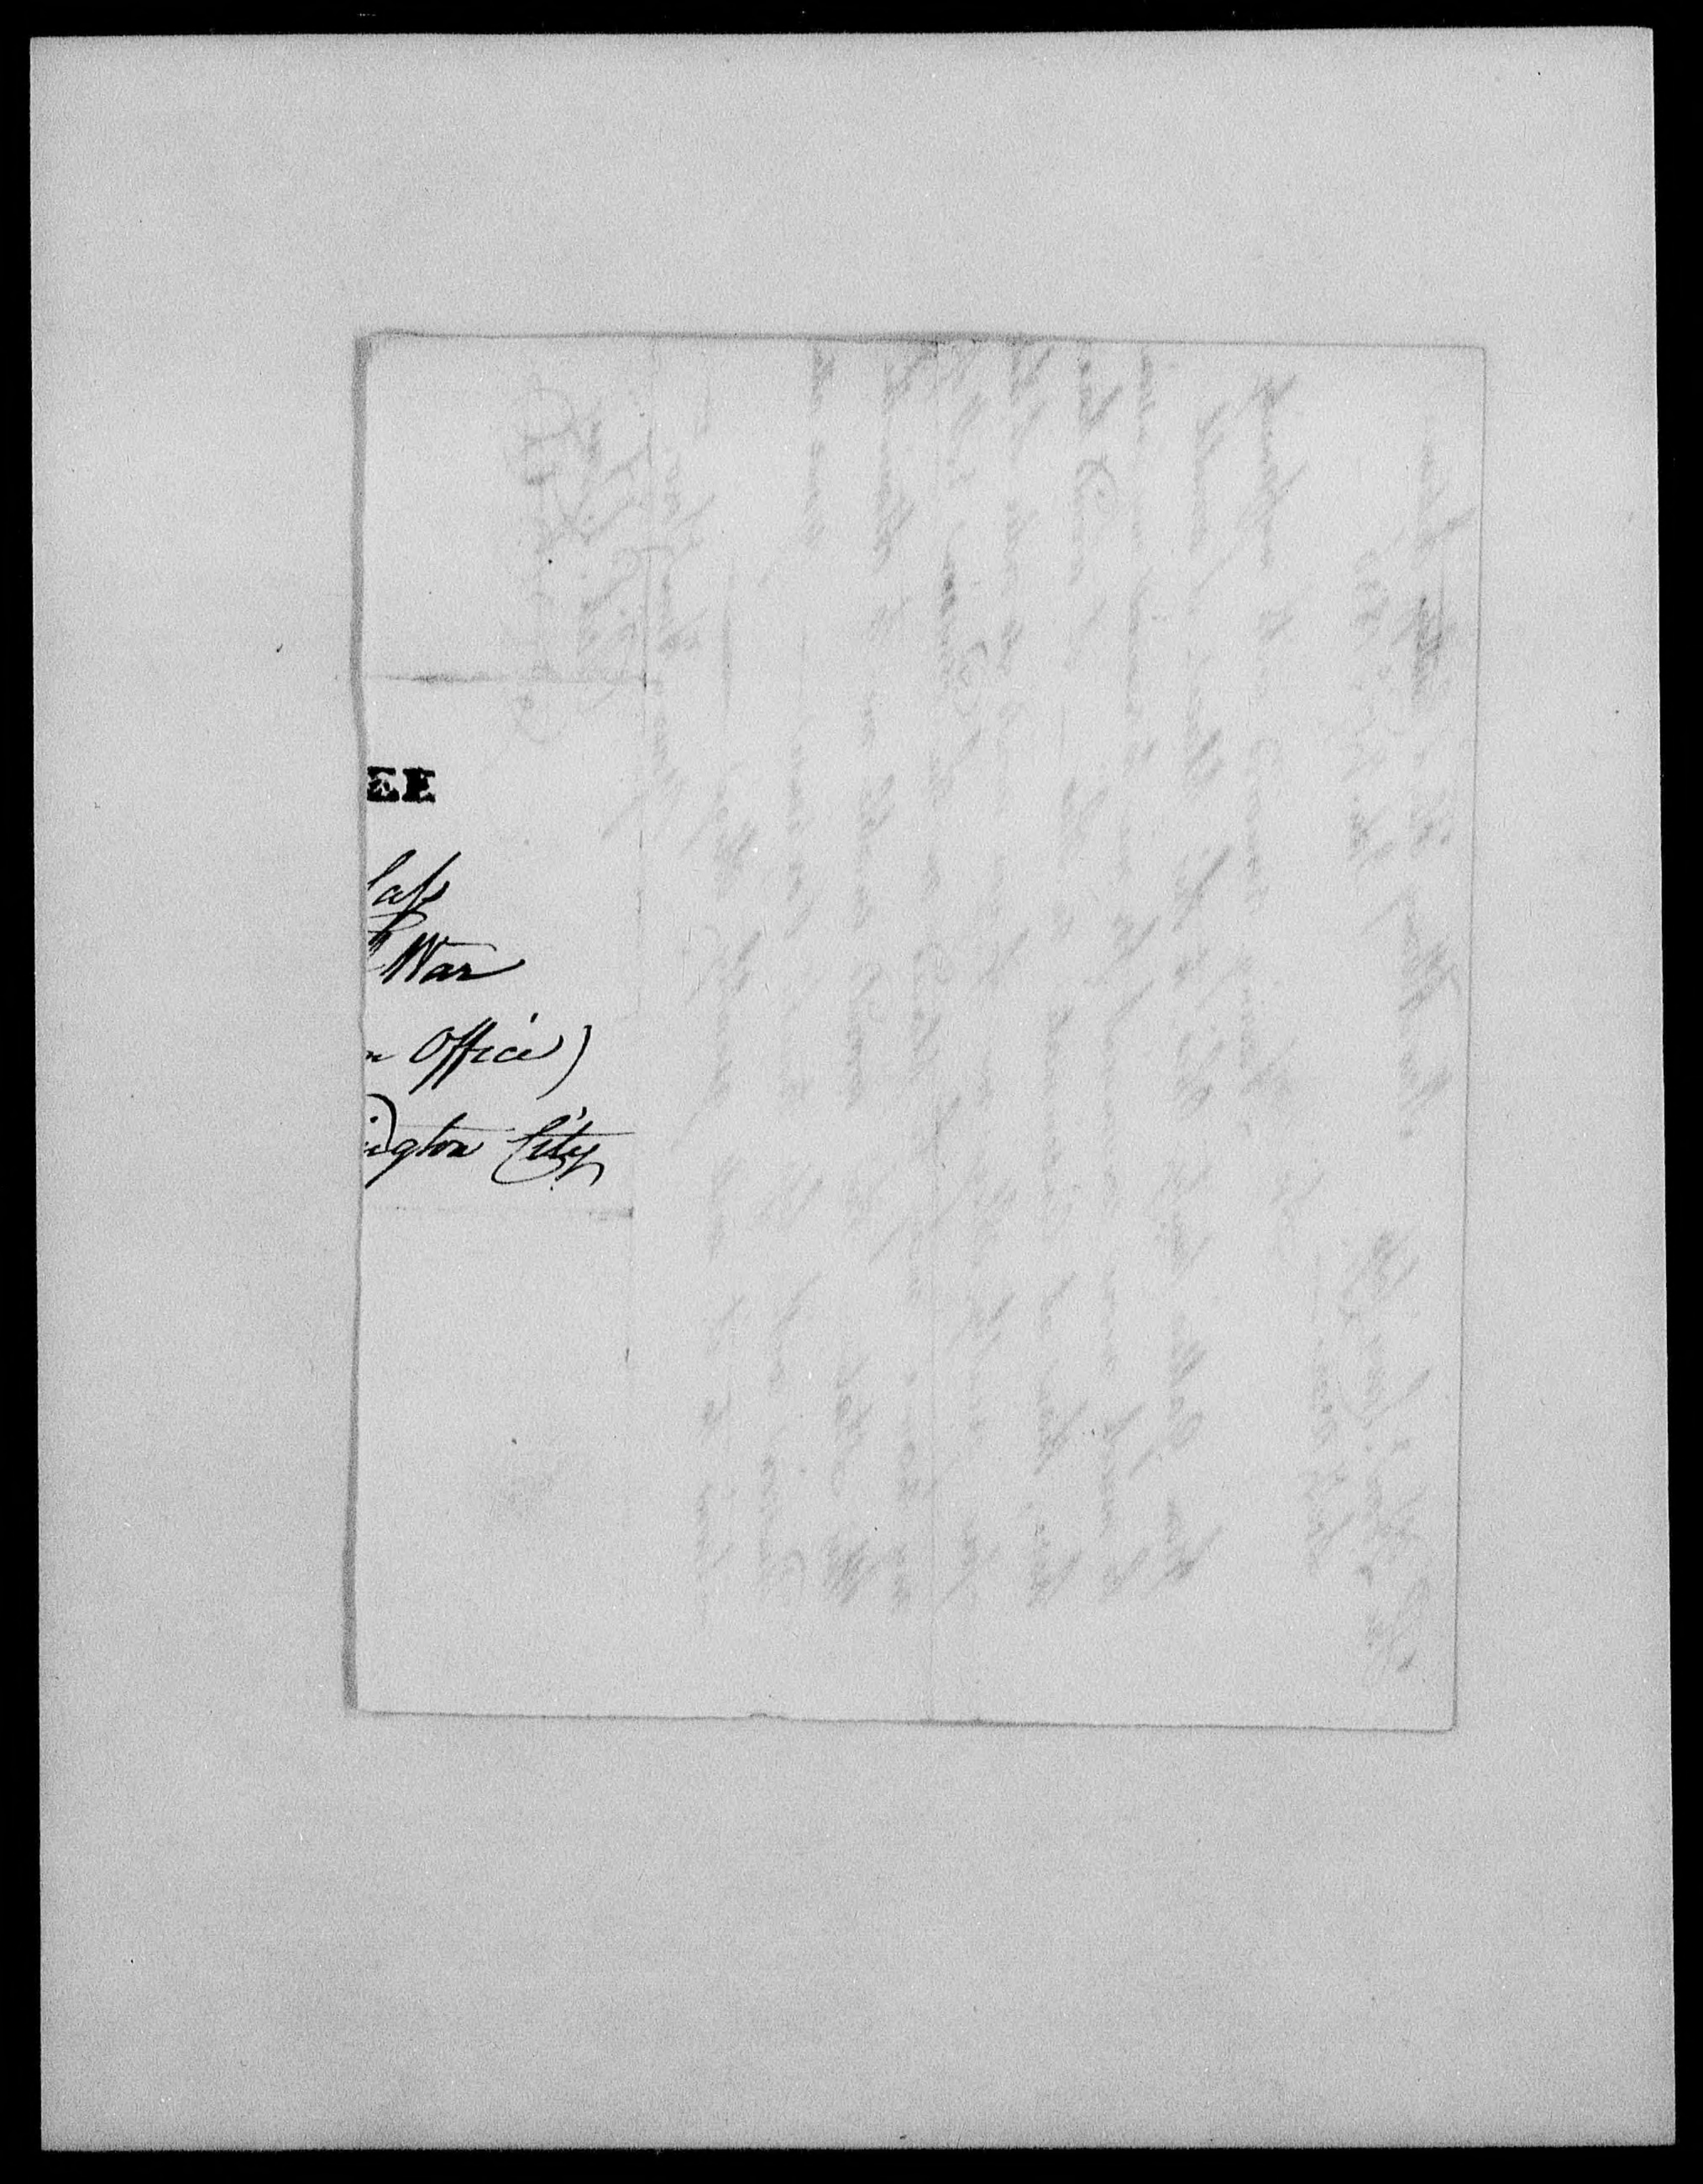[ Partial text visible, appears page folded or torn]
EE
sass
War
Office)
ington City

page: 31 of 62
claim: widow's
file: W. 765, for Richard L Jones, Connecticut